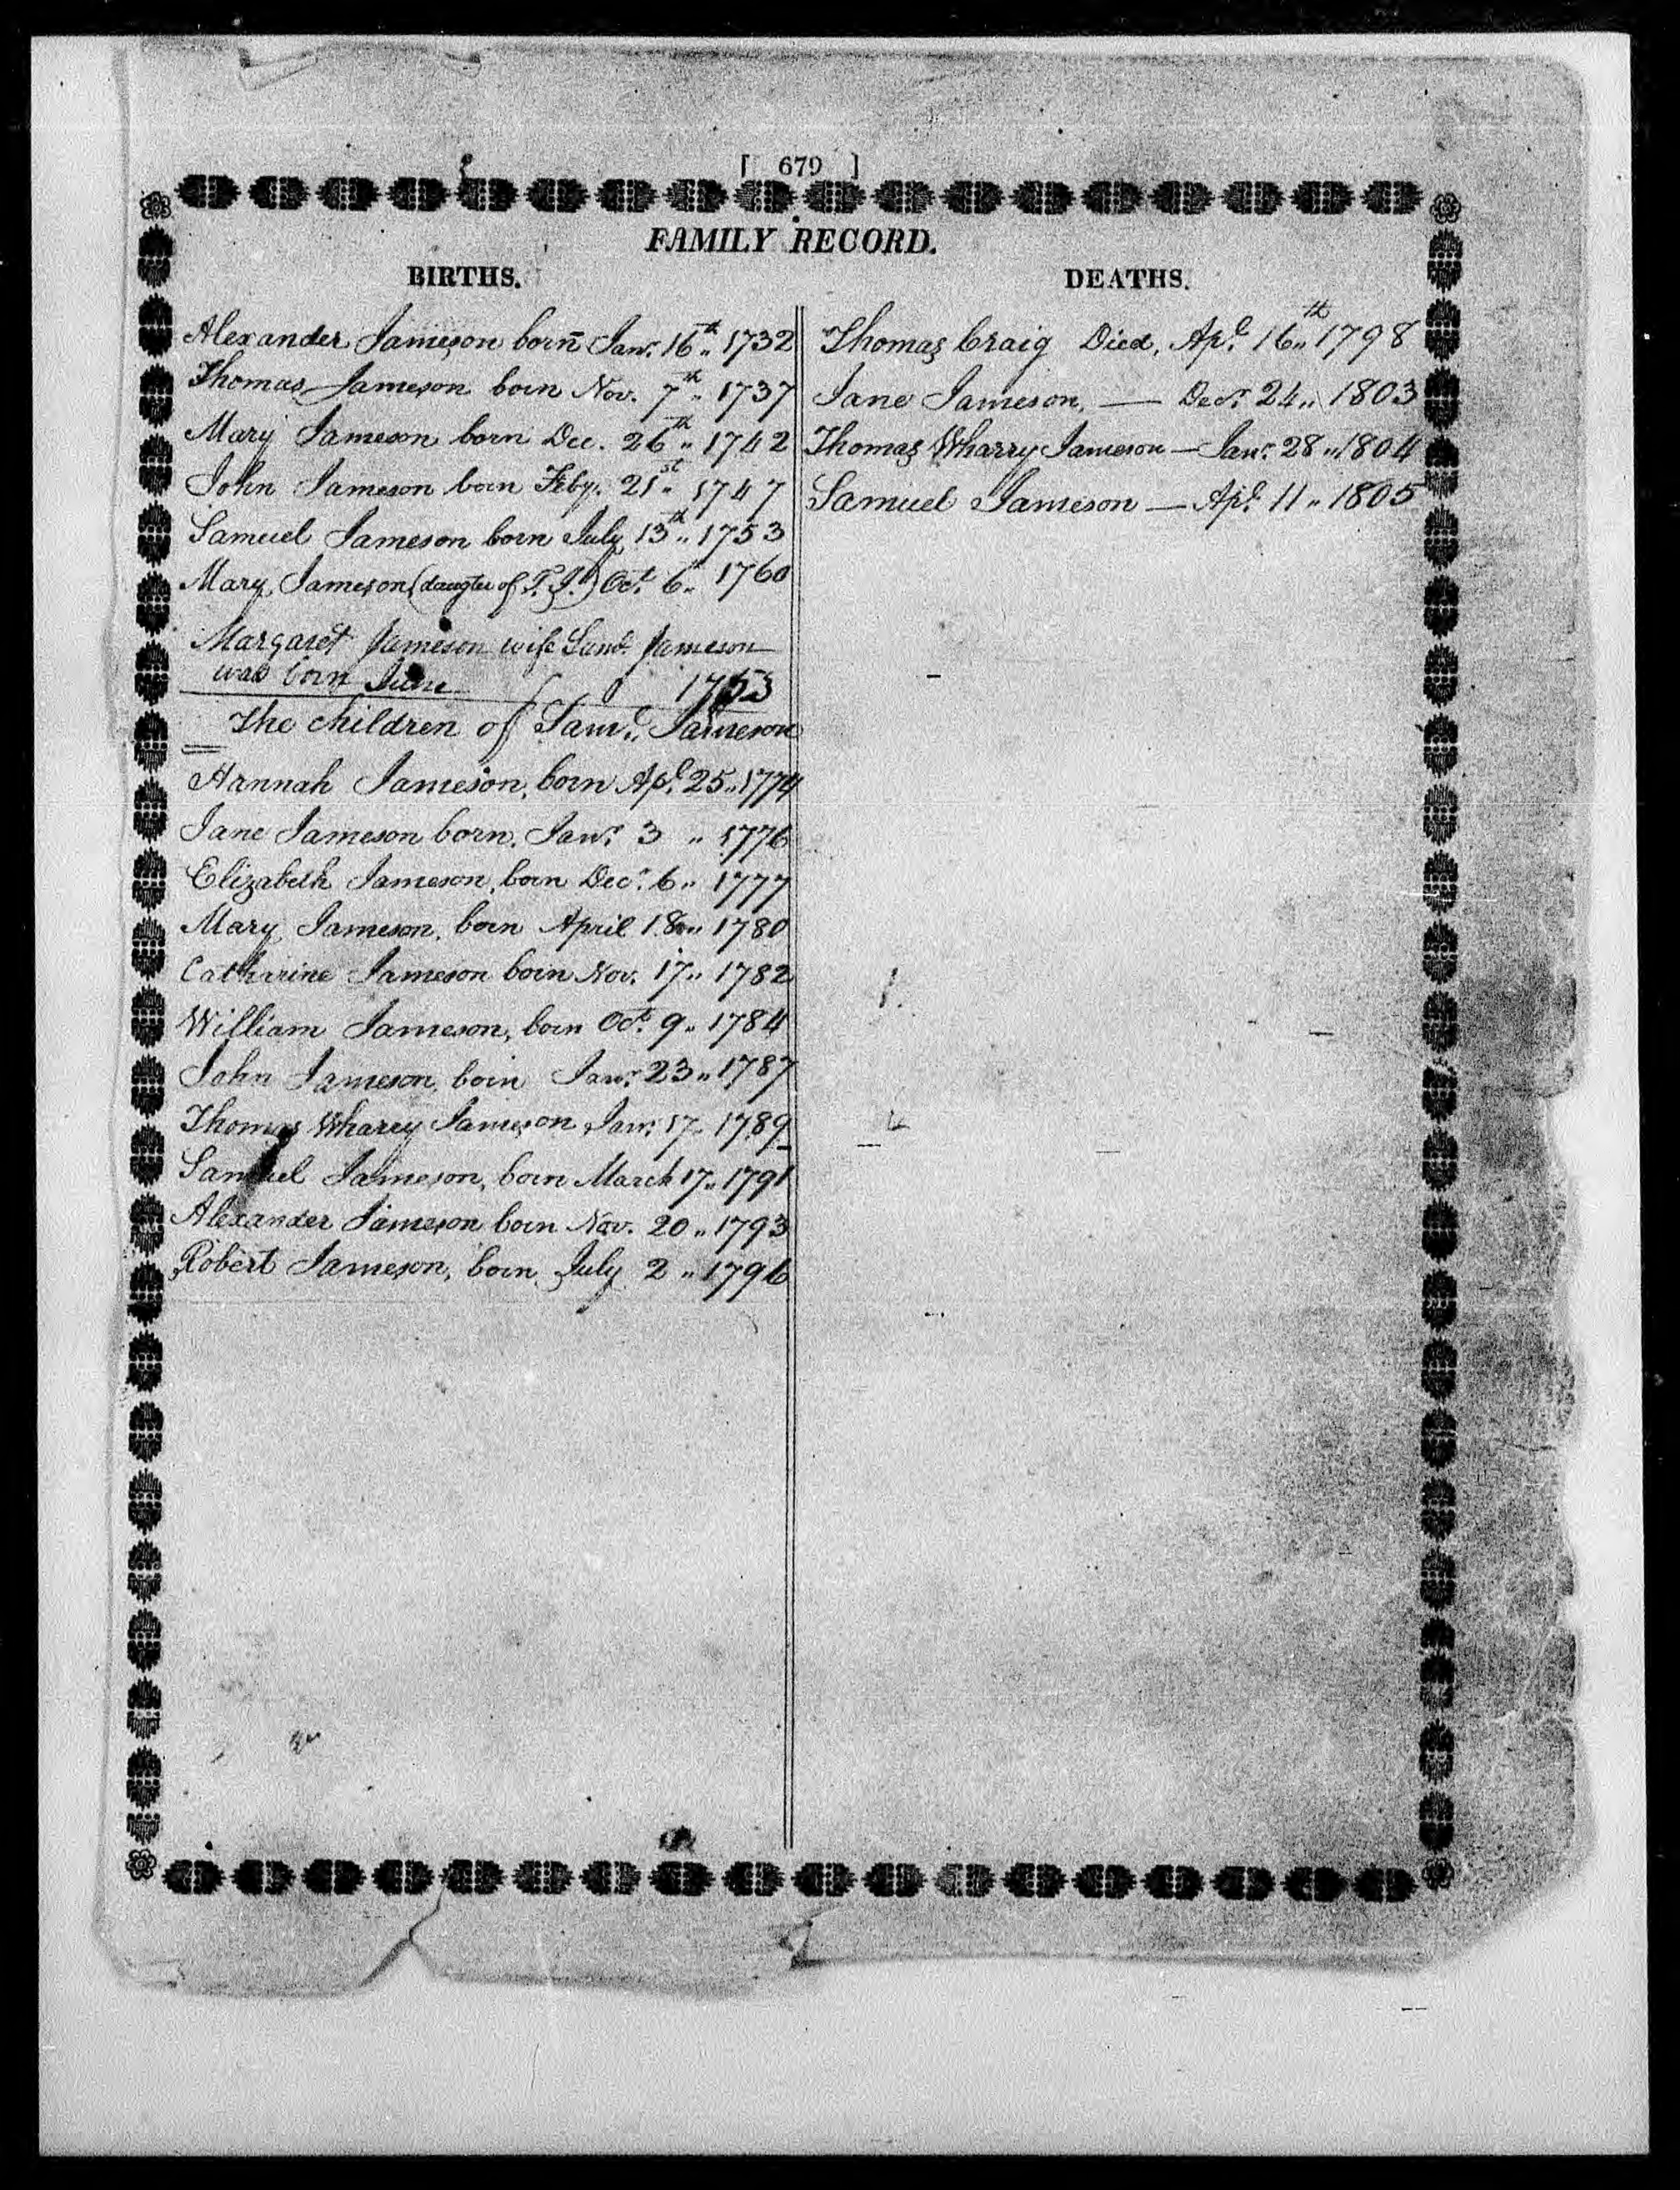(679)
FAMILY RECORD.

[On the left side of the page.]

BIRTHS.
Alexander Jameson born Jan. 16th, 1732
Thomas Jameson born Nov. 7th, 1737
Mary Jameson born Dec. 26th, 1742
John Jameson born Feby. 21st. 1747
Samuel Jameson born July 13th, 1753
Mary Jameson (daughter of T.J.) Oct. 6, 1760
Margaret Jameson wife Sam'l Jameson
was born June 1753

The children of Sam'l Jameson
Hannah Jameson, born Ap'l 25, 1774
Jane Jameson born Jan. 3, 1776
Elizabeth Jameson born Dec. 6, 1777
Mary Jameson born April 18, 1780
Catharine Jameson born Nov. 17, 1782
William Jameson, born Oct. 9, 1784
John Jameson born Jan. 23, 1787
Thomas Wharey Jameson Jan. 17, 1789
Samuel Jameson born March 17, 1791
Alexander Jameson born Nov. 20, 1793
Robert Jameson, born July 2, 1796

[On the right side of the page.[
DEATHS.
Thomas Craig Died Ap'l 16th, 1798
Jane Jameson - Dec. 24, 1803
Thomas Wharry Jameson - Jan. 28, 1804
Samuel Jameson - Ap'l 11, 1805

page: 10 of 28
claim: widow's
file: W. 5112, for Samuel Jamieson, Virginia